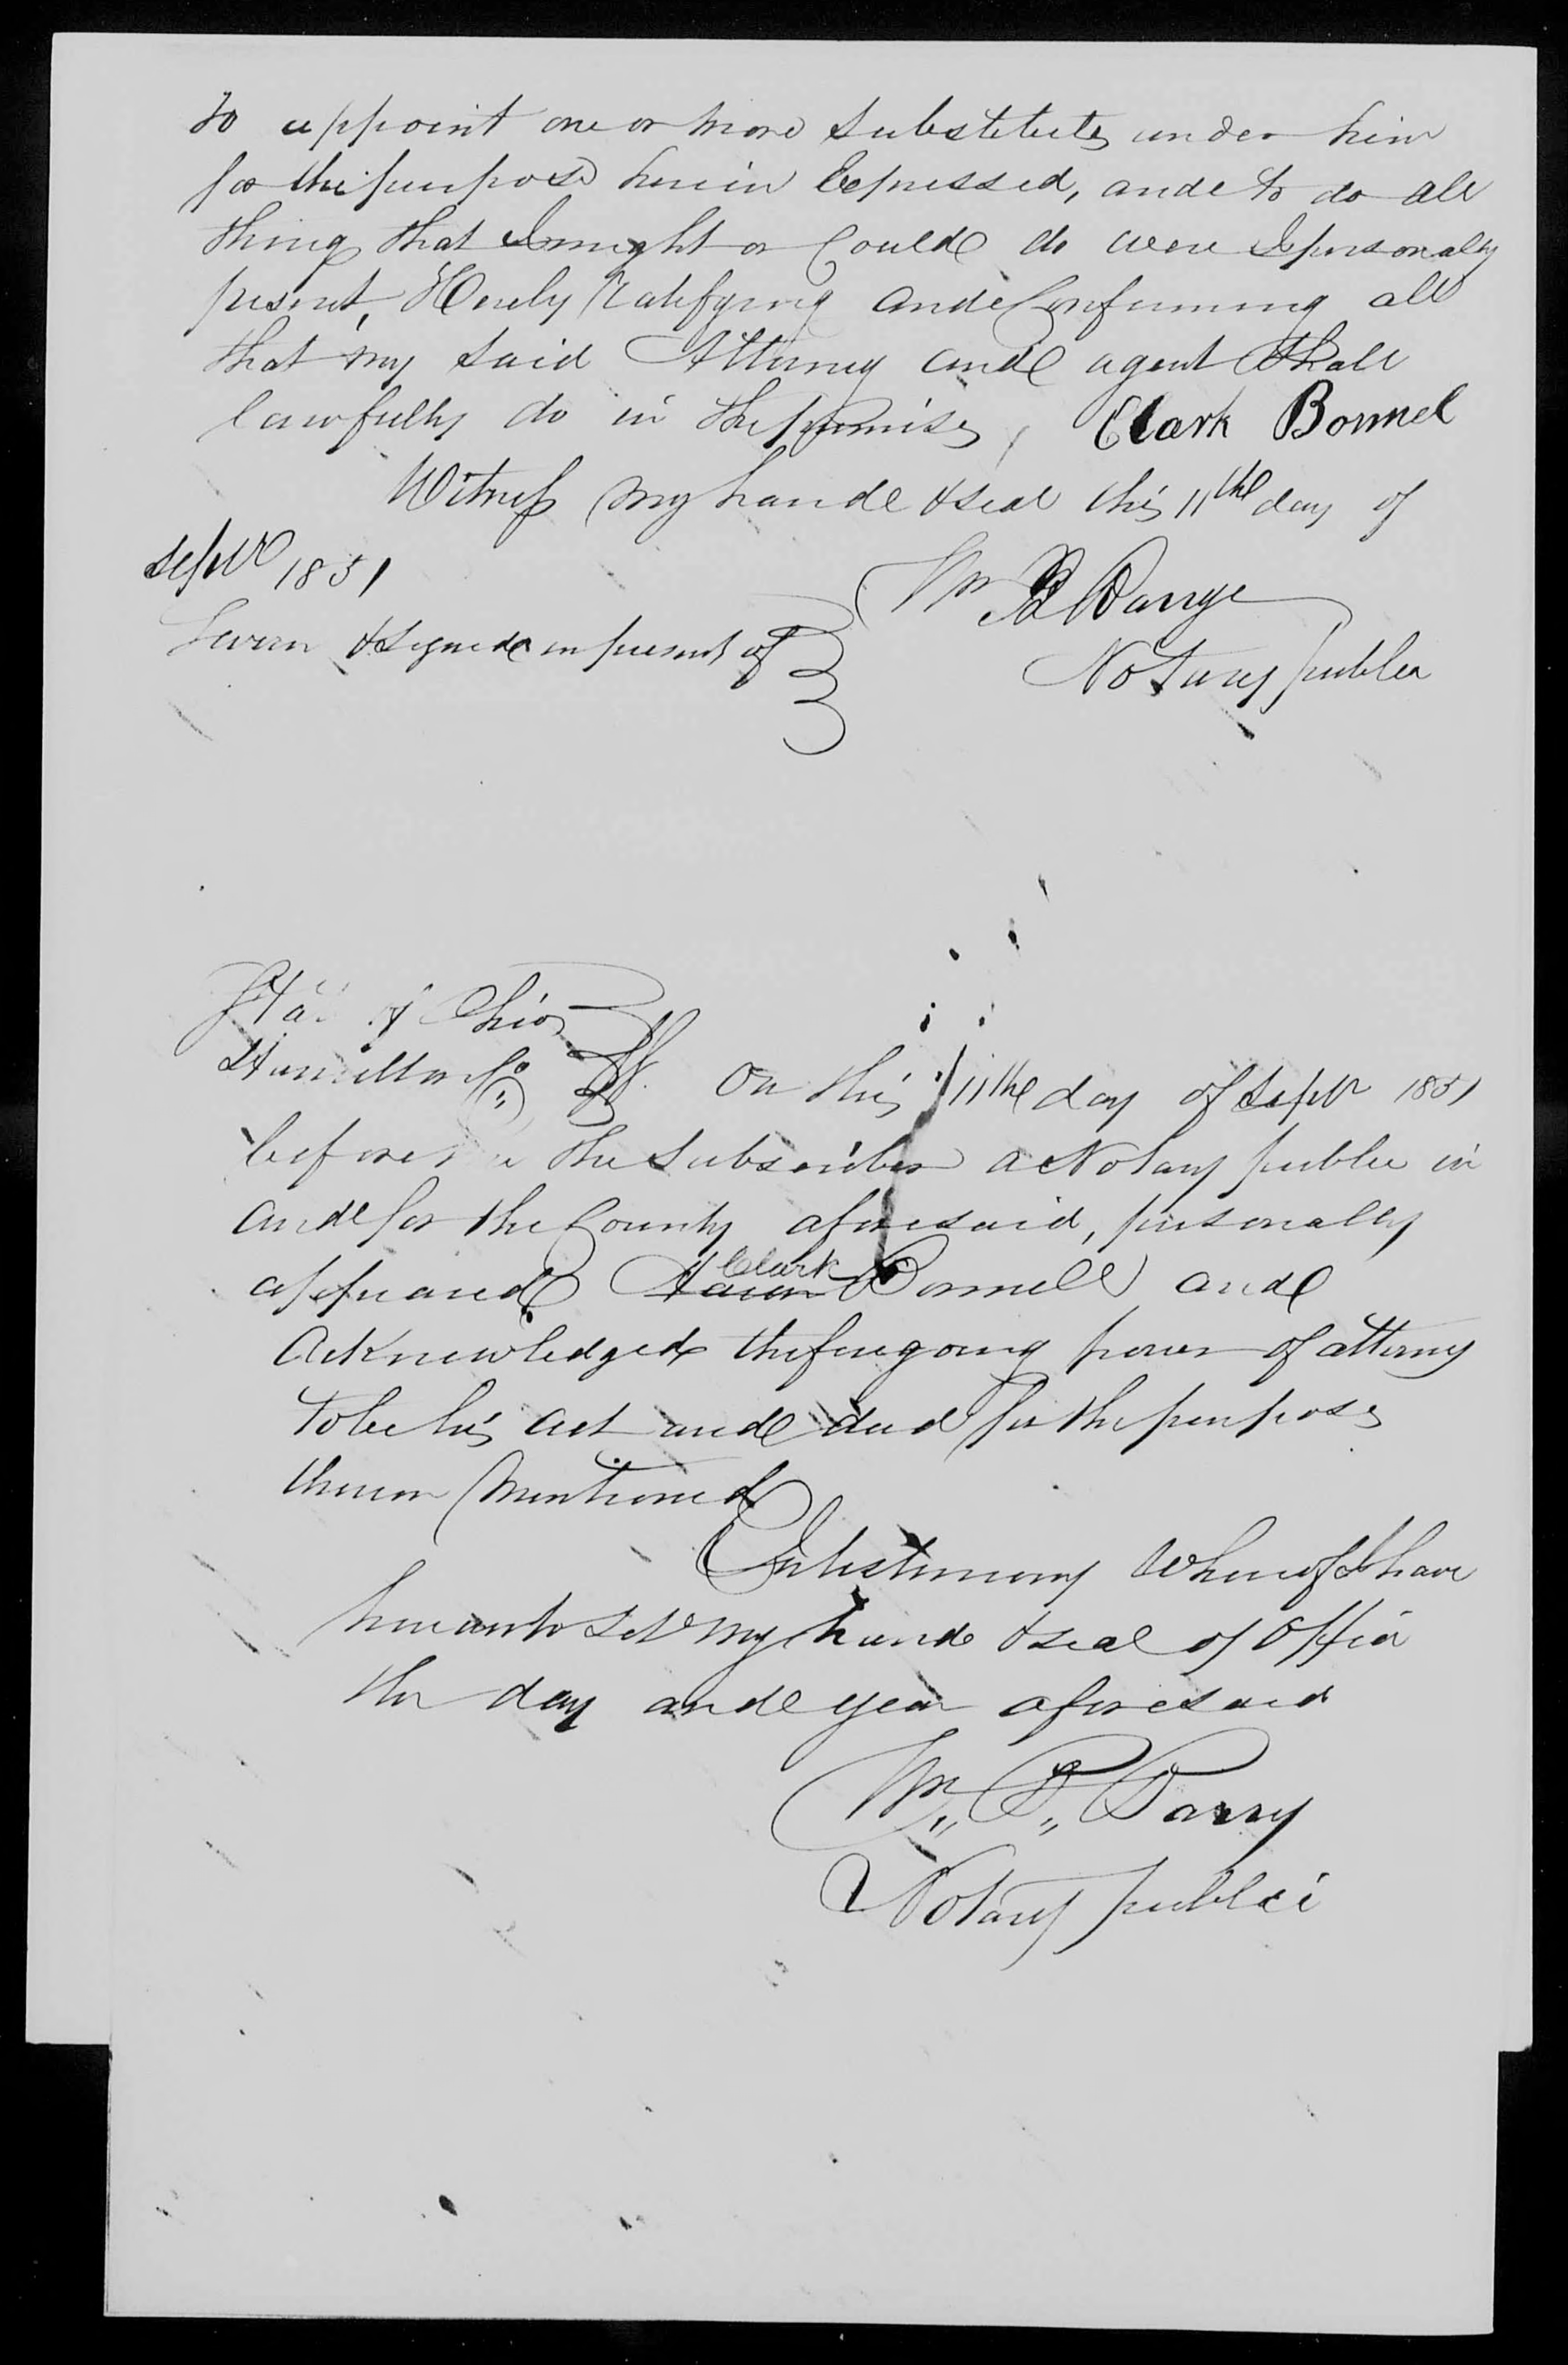to appoint one or more substitutes under him for the purposes herein expressed and to do all things that I might or could do were I personally present,. Hereby ratifying and confirming all that my said attorney and agent shall lawfully do in the premises.  Clark Bonnel
Witness my hand & seal this 11th day of Sept 1851
Sworn & signed in present of Wm. B. Barry
Notary Public

State of Ohio
Hamilton Co }ss
On this 11th day of Sept 1851 and before me the subscribed a Notary public in and for the county aforesaid personally appeared Clark Bonnell and acknowledged the foregoing power of attorney to be his act and deed as the purposes herein mentioned.  In testimony whereof I have hereunto set my hand & seal of office the day and year aforesaid
Wm. B. Barry
Notary Public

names: Clark Bonnel, Wm B Barrye, Wm B Barry, Wm B Barry, Clark Bonnell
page: 57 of 67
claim: rejected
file: R. 1009, Aaron Bonnel, New Jersey